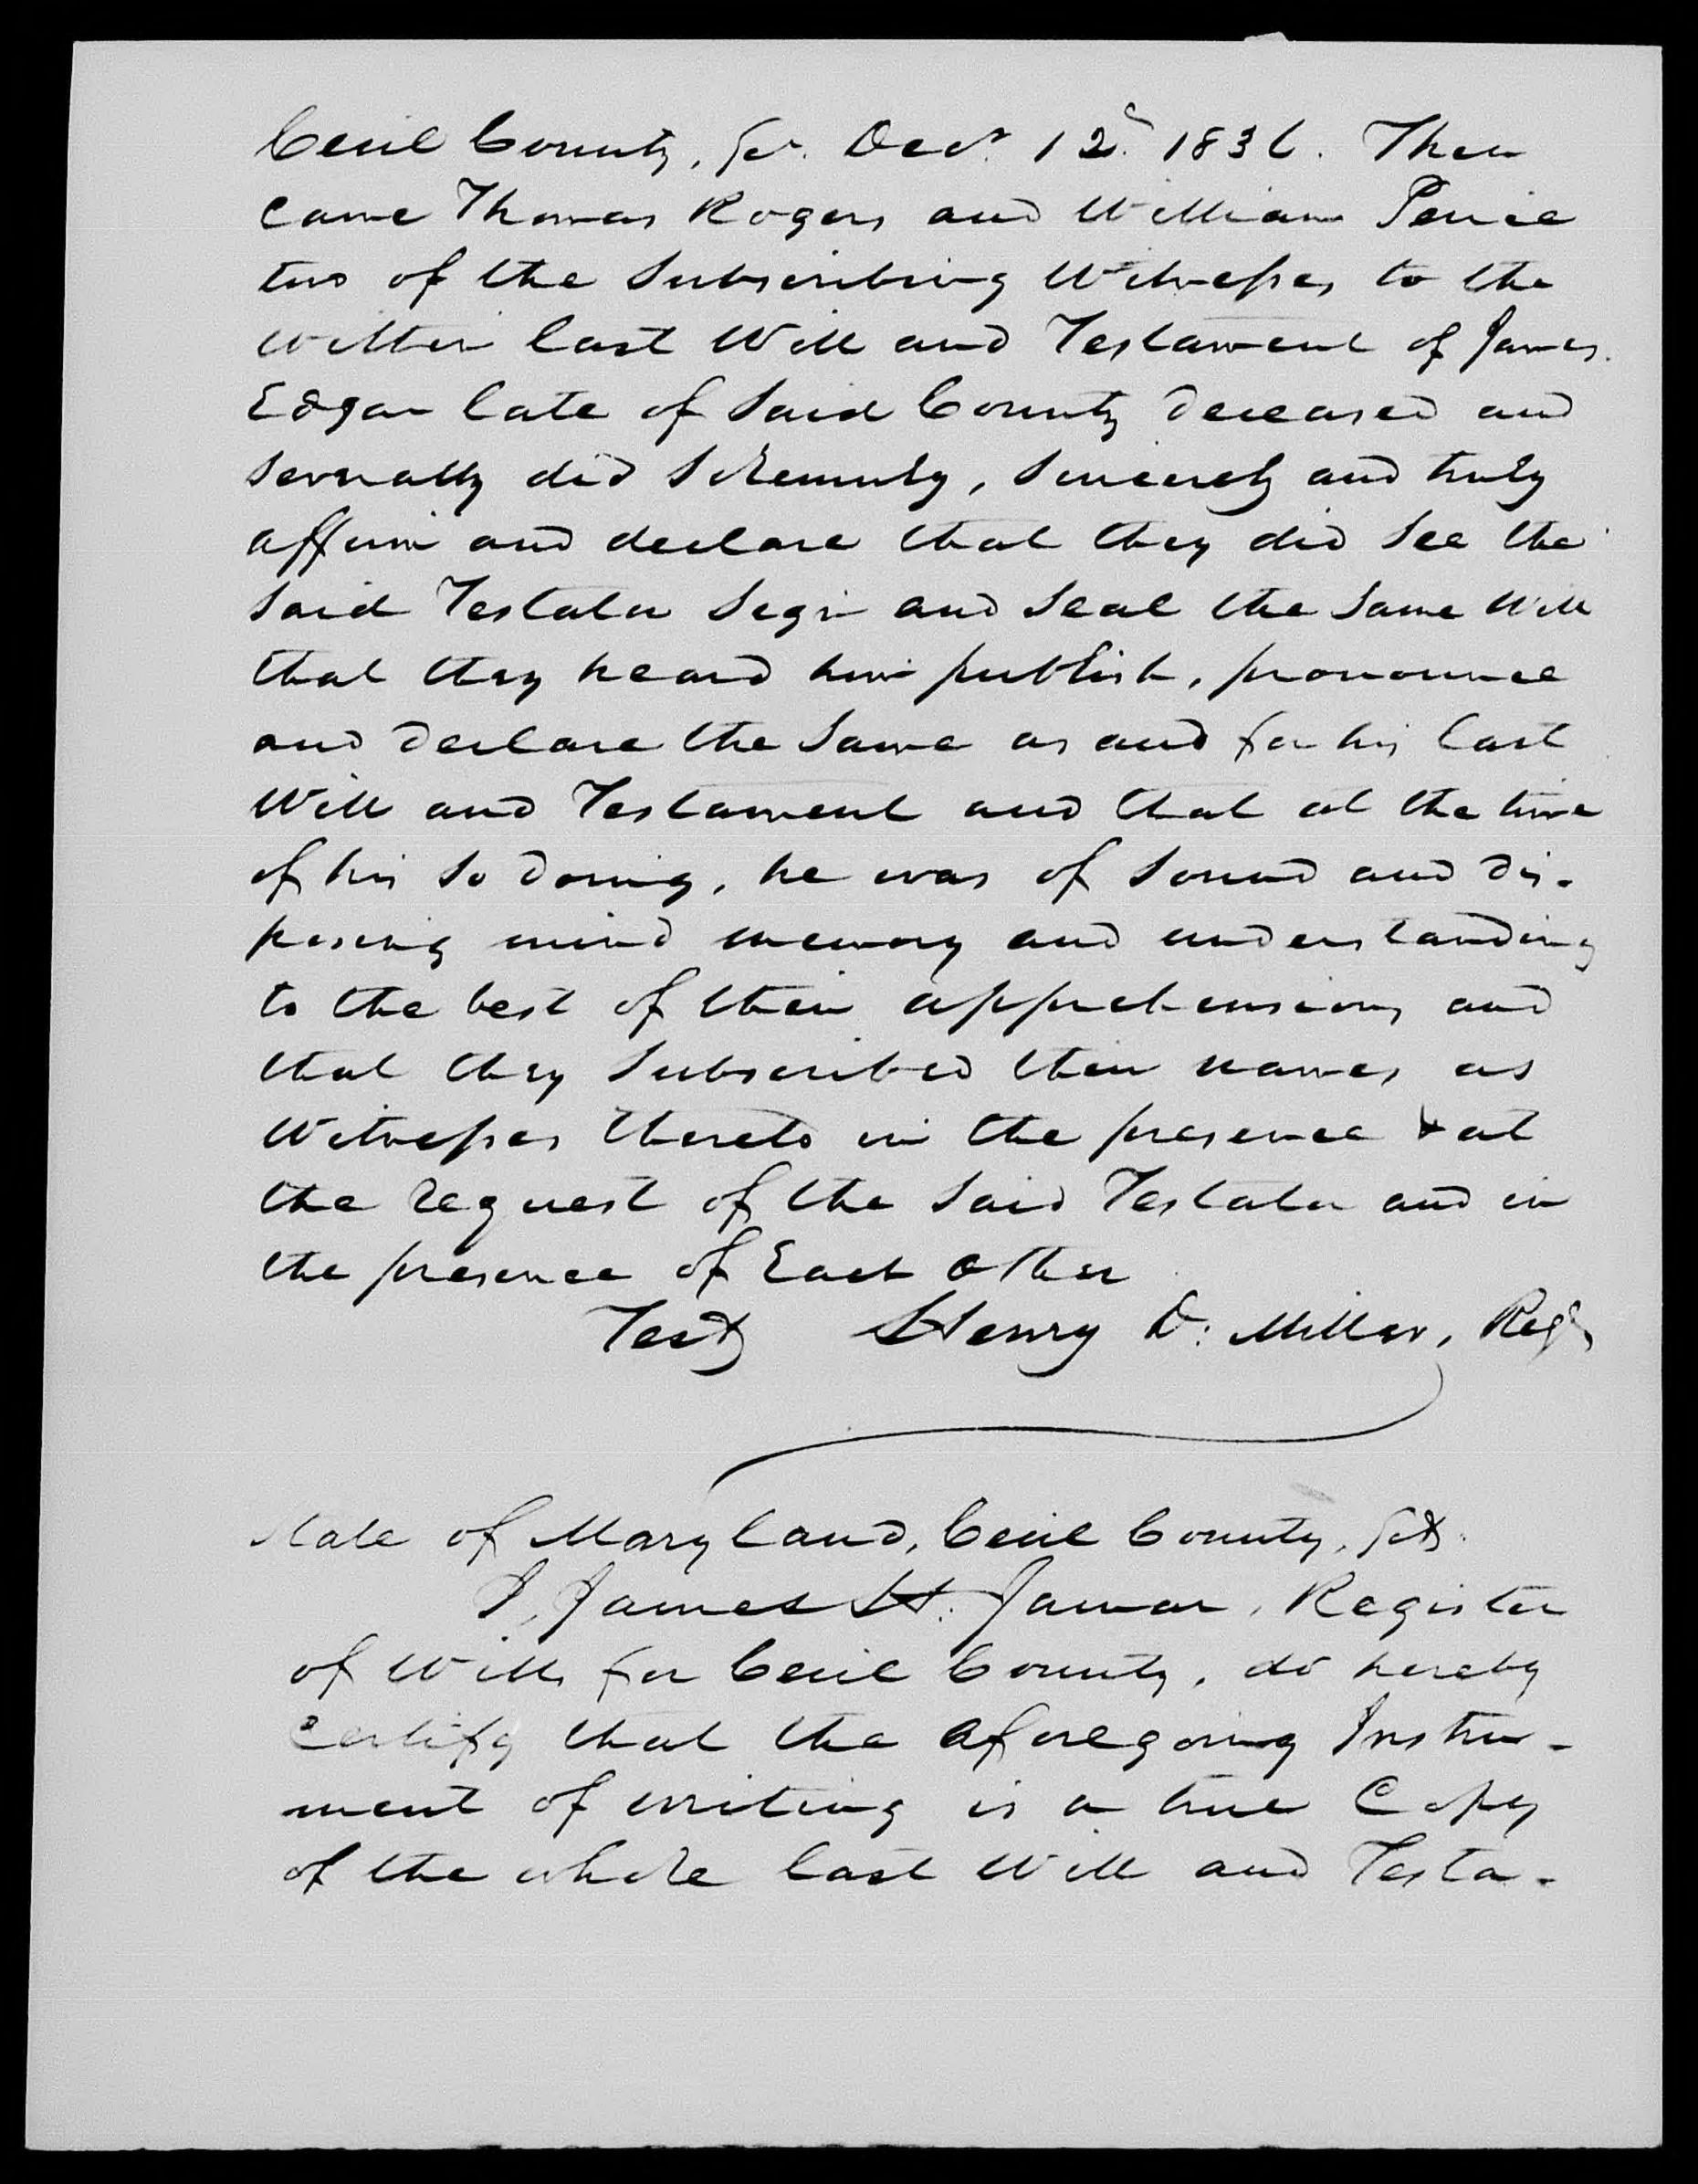Cecil County, Decr 12. 1836. Then
came Thomas Rogers and William Pierce
two of the subscribing witnesses to the
within last will and Testament of James
Edgar late of said County deceased and
severally did solemnly sincerely and truly
affirm and declare that they did see the
said Testator sign and seal the same will
that they heard him publish, pronounce
and declare the same as and for his last
Will and Testament and that at the time
of his so doing, he was of sound and disposing mind memory and understanding
to the best of their apprehensions and
that they subscribed their names, as
Witnesses thereto in the presence & at
the request of the said Testator and in
the presence of each other.
Test
Henry D. Miller, Regr

State of Maryland, Cecil County,
I, James H. Jamar, Register
of Wills for Cecil County, do hereby
certify that the a foregoing Instrument of writing is a true copy
of the whole last will and Testa-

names: James H Jamar, William Peirce, James Edgar, Thomas Rogers, Henry D Miller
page: 24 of 74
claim: widow's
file: W. 9422, James Edgar, Penn.